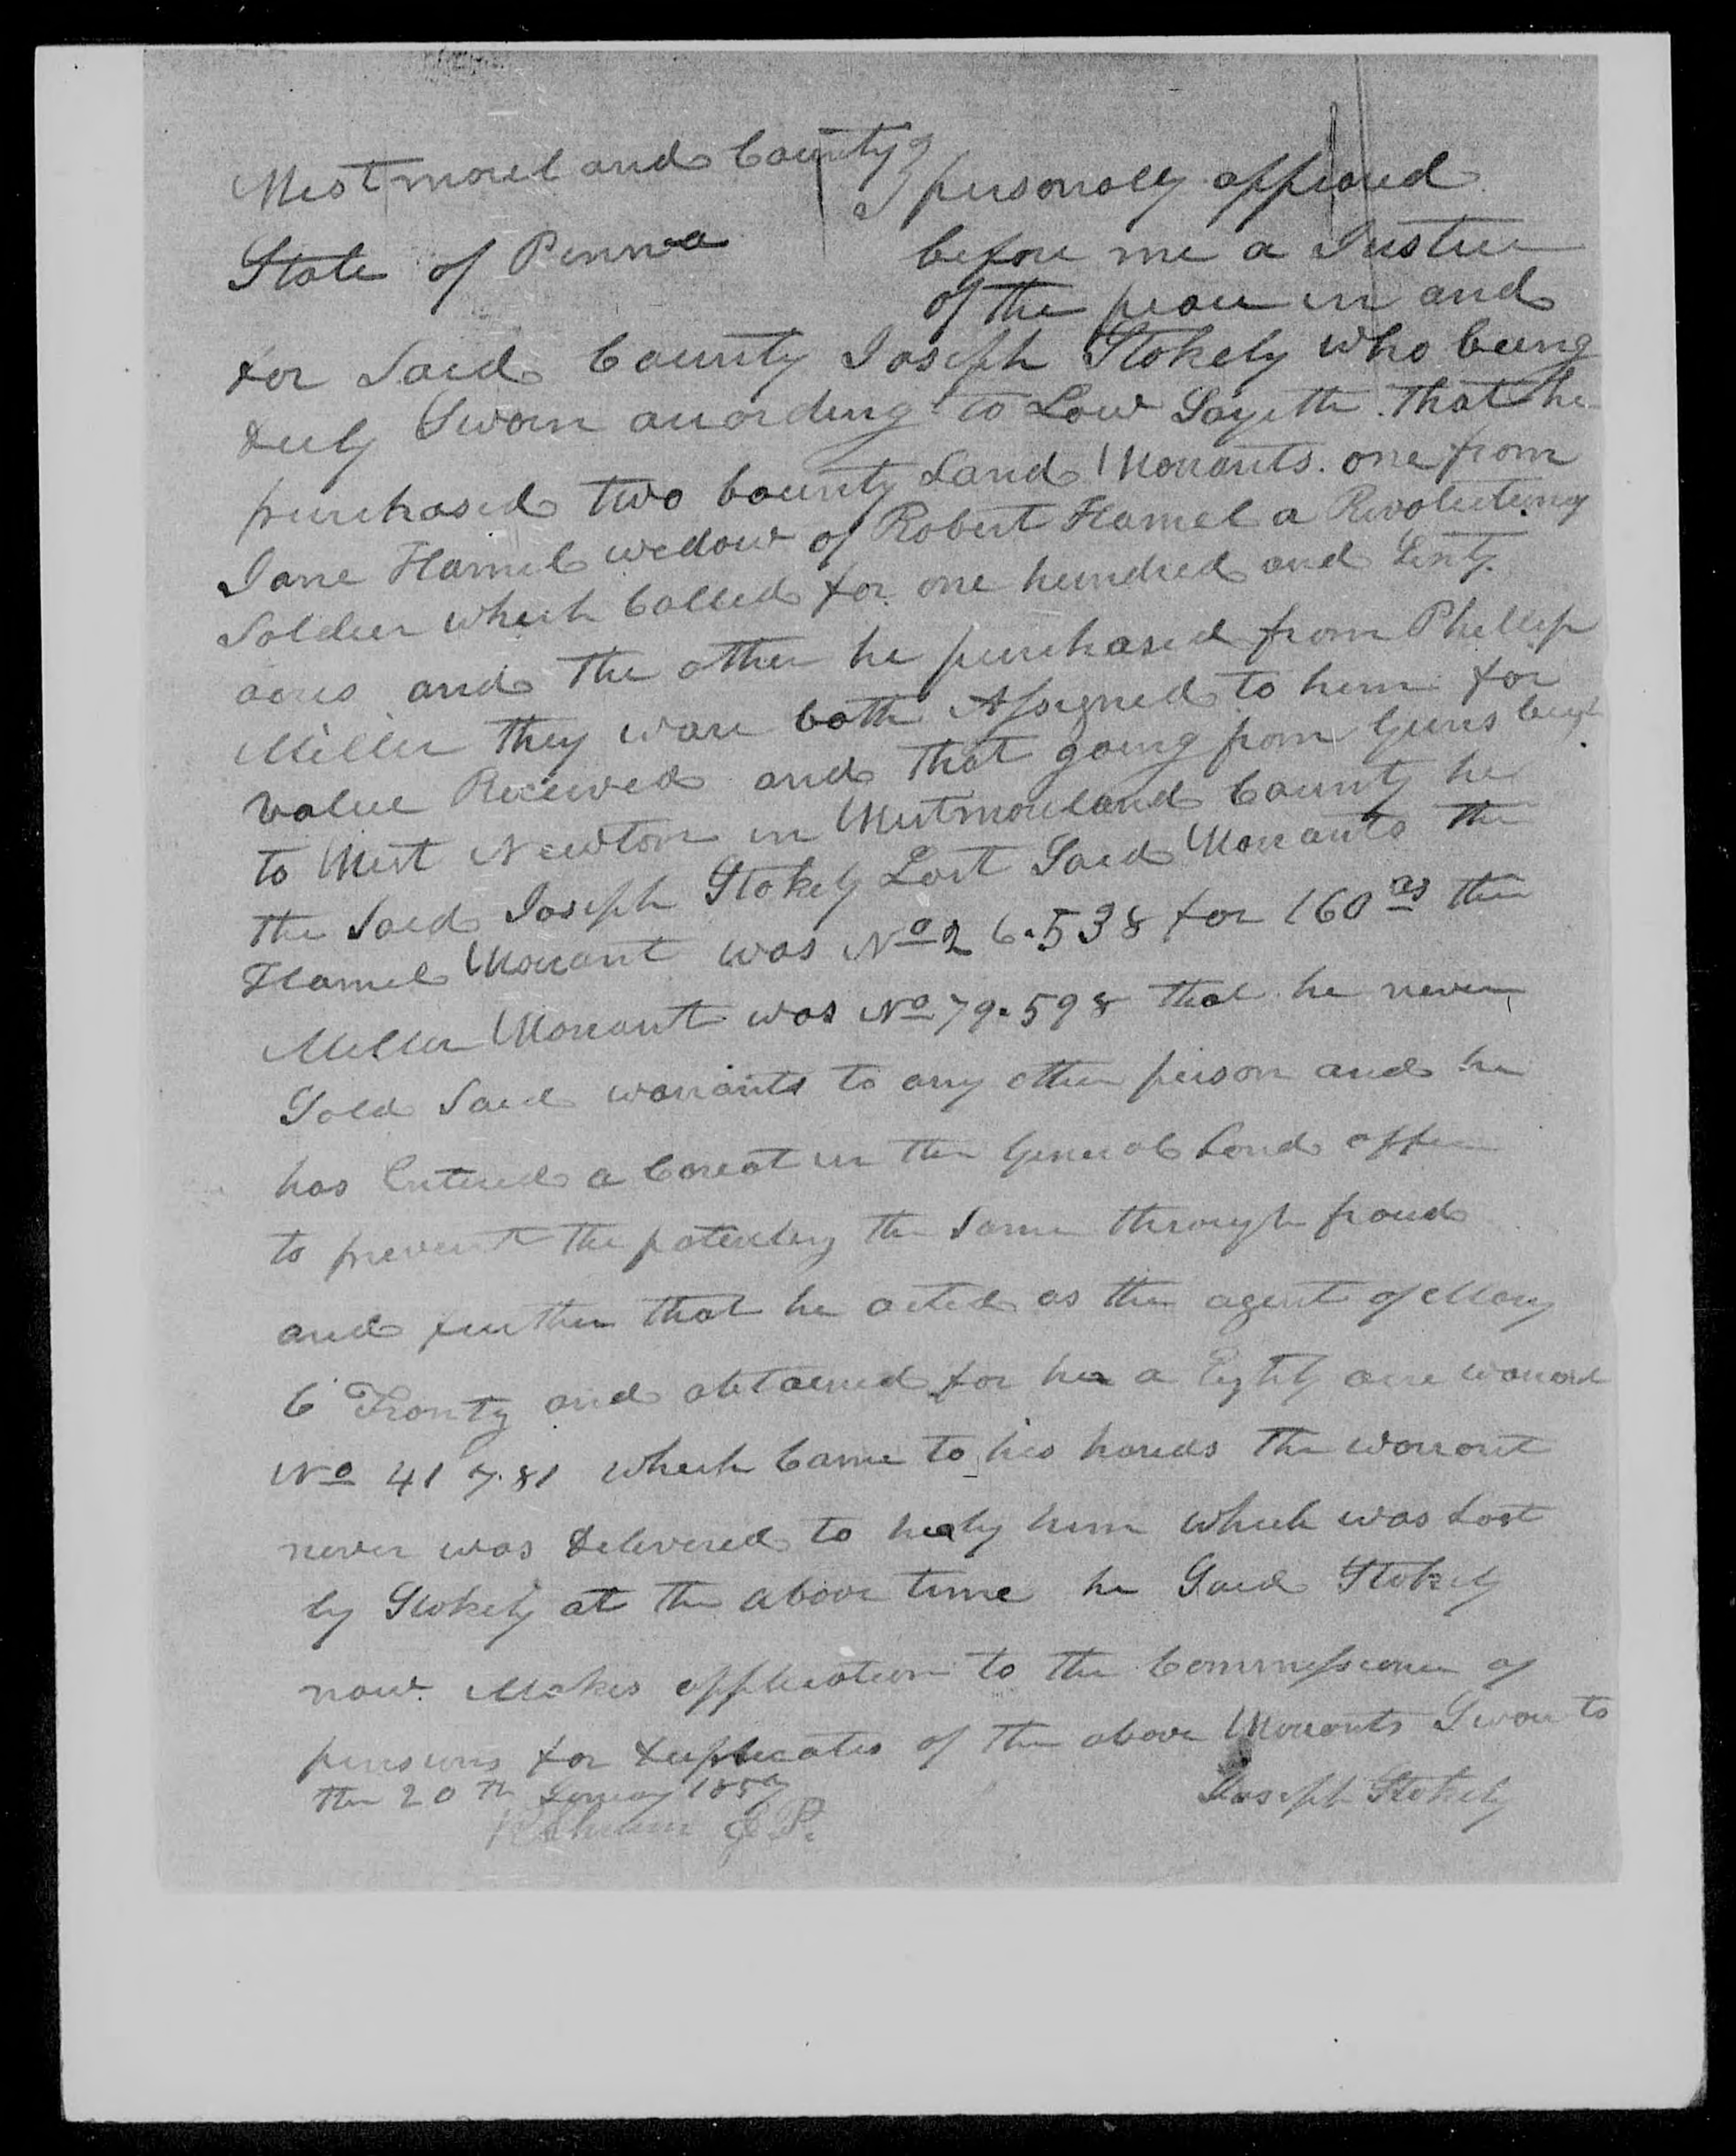Westmoreland County of
State of Penna
personally appeared before me a Justice
of the peace in and for said County Joseph Stokely who being duly sworn according to Law sayeth that he purchased two bounty Land Warrants, one from Jane Hamel widow of Robert Hamel a Revolutionary Soldier which called for one hundred and sixty acres and the other he purchased from Phillip Miller. They were both assigned to him for value Received and that going from Greensburg to West Newton in Westmorland County he the said Joseph Stokely Last said Warrants the
Hamel Warrant was No 26.538 for 160 ac the
Miller Warrant was No 79.598 that he never
sold said warrants to any other person and he
has entered a Correction in the General Land office to prevent the [illegible] the same through fraud and further that he acted as the agent of Mary G Fonty and obtained for her a eighty acre warrant No 417.81 which came to his hands the warrant never was delivered to [illegible] him which was lost by Stokely at the above time he said Stokely now makes application to the Commissioner of pensions for of the above Warrants. Sworn to
the 20th January 1857
Joseph Stokely
R Shrum J.P.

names: Joseph Stokely, Jane Hamil, Joseph Stokely, Joseph Stokely, Hamel, Stokely, Stokely, Miller, Phillip Miller, Robert Hamel, R Shrum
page: 62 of 92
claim: widow's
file: W 1173, Robert Hamill, Penn.